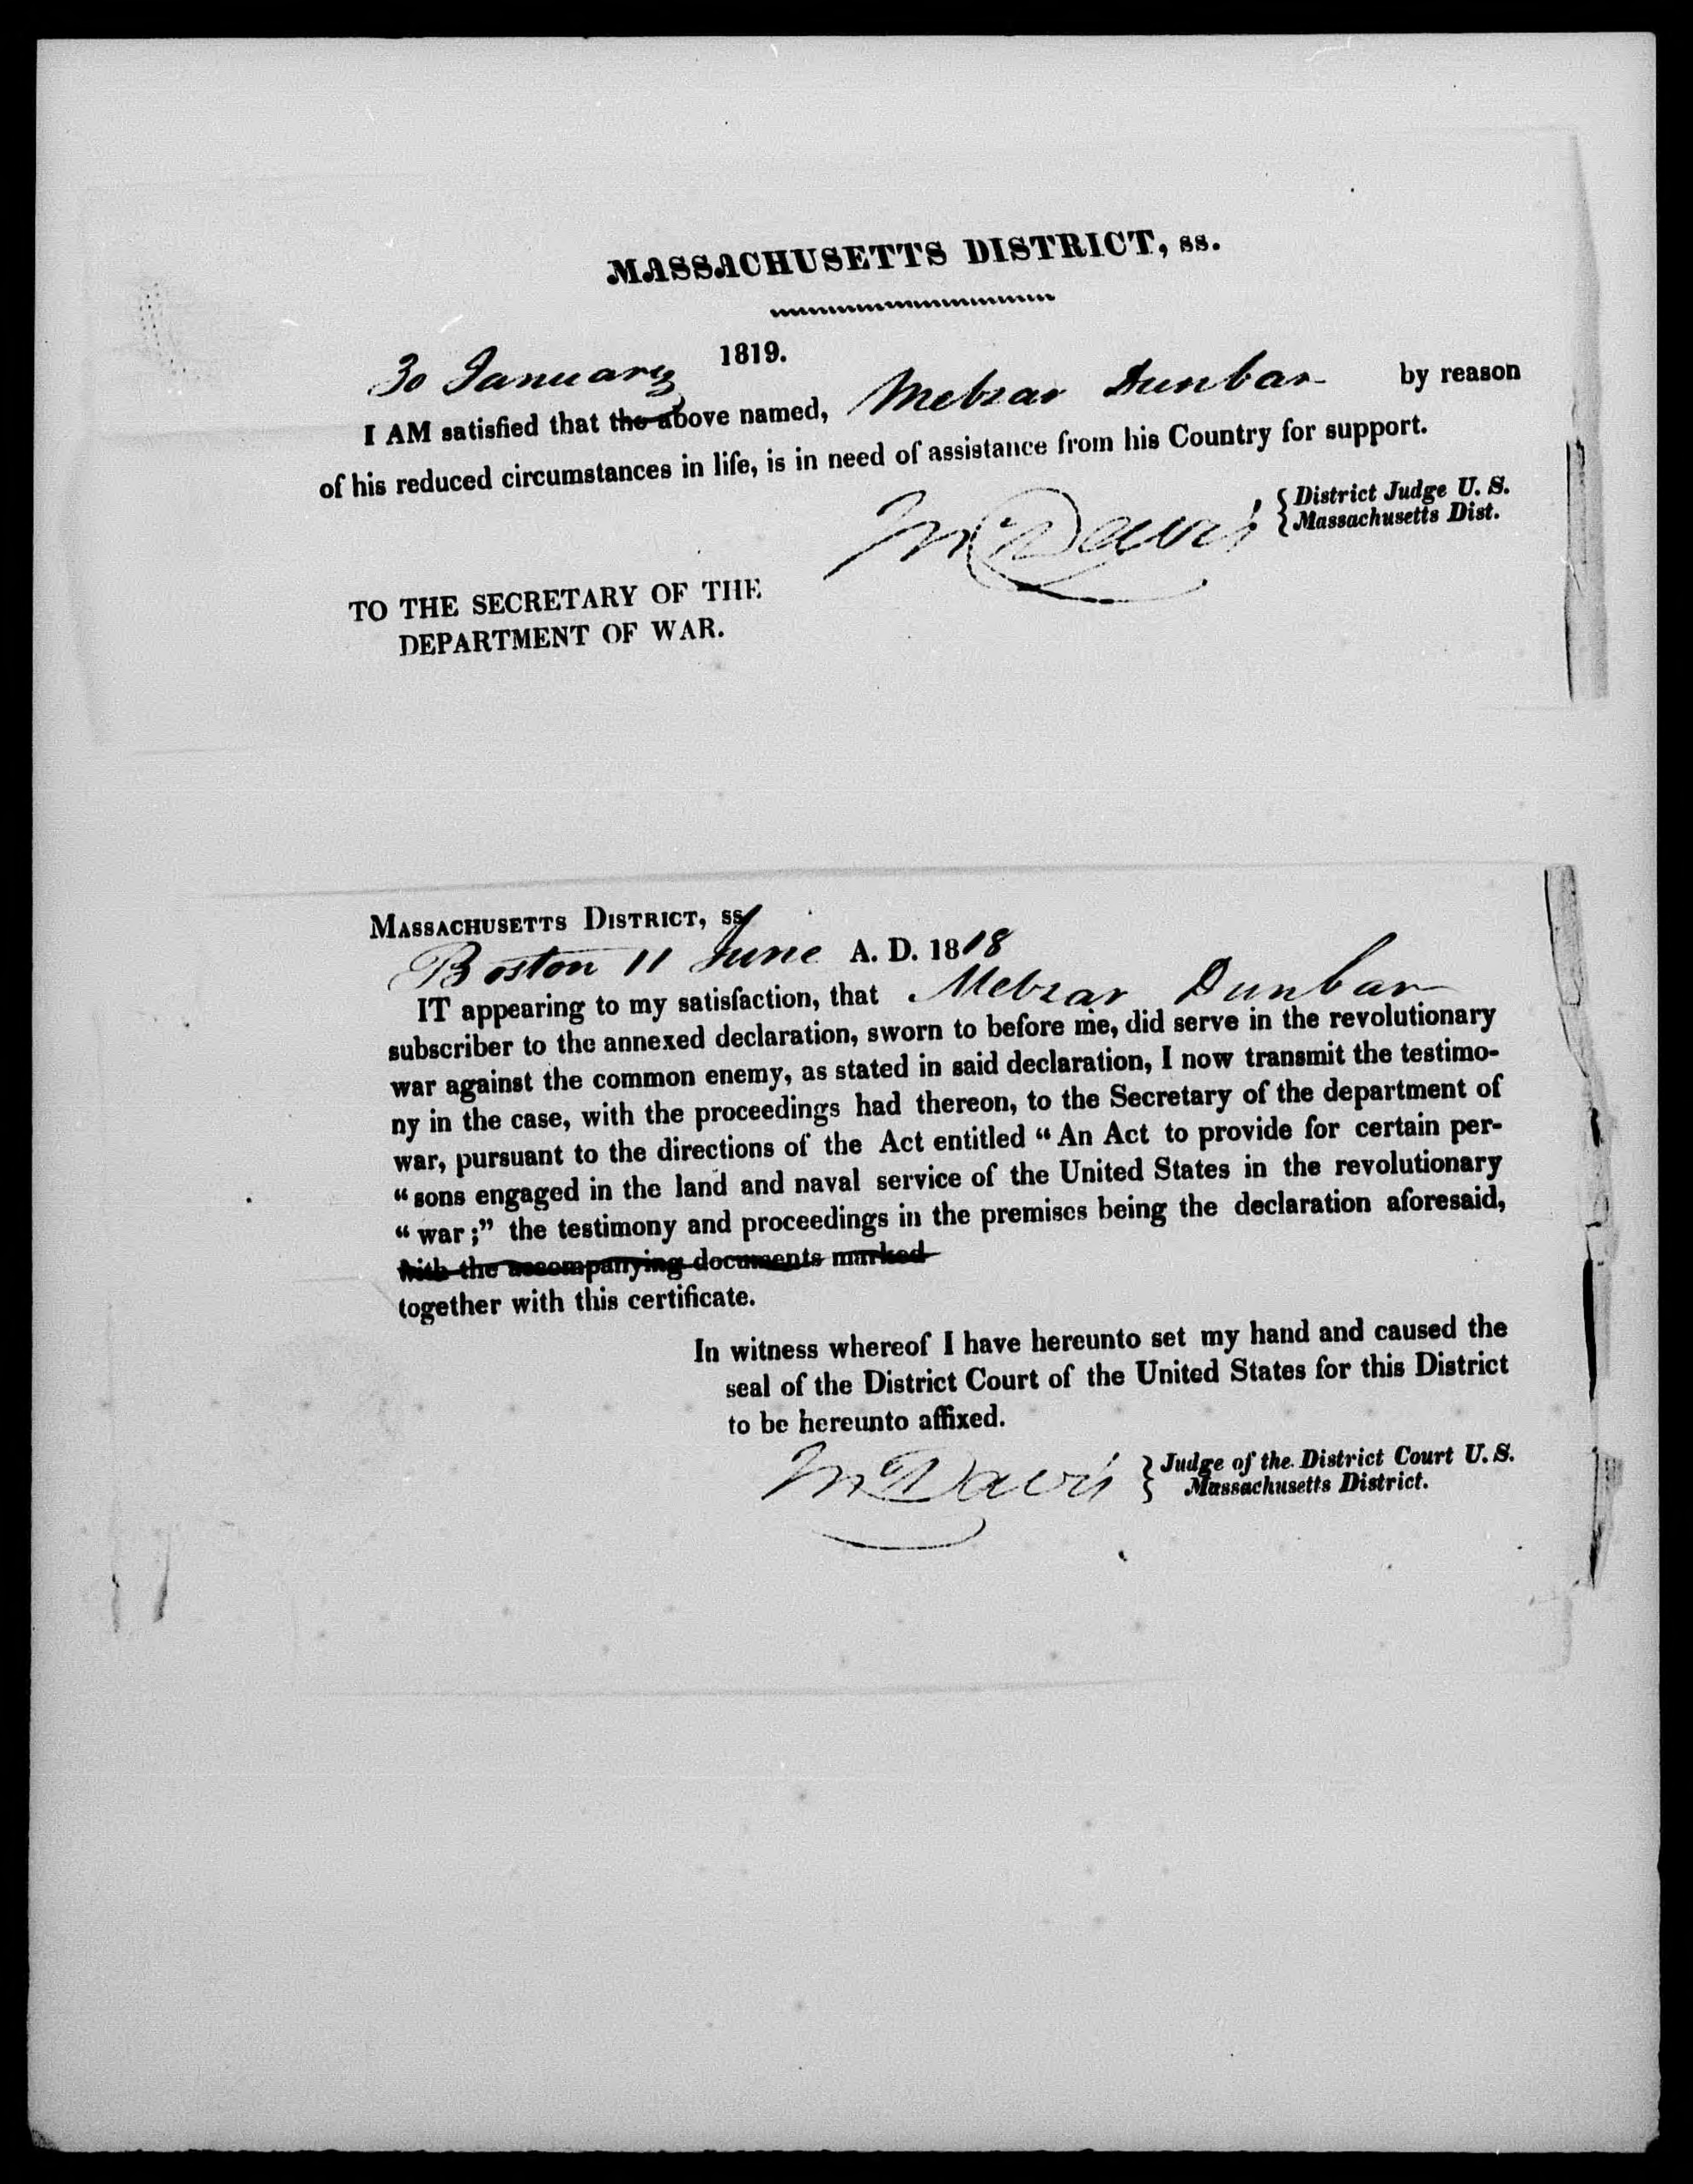Massachusetts District, ss.

30 January 1819

I AM satisfied that the above named, Melzar Dunbar by reason of his reduced circumstances in life, is in need of assistance from his Country for support.

John Davis - District Judge U.S. Massachusetts Dist.


TO THE SECRETARY OF THE
DEPARTMENT OF WAR


Massachusetts District,ss.

Boston 11 June AD 1818

IT appearing to my satisfaction, that Melzar Dunbar subscriber to the annexed declaration, sworn to before me, did serve in the revolutionary war against the common enemy, as stated in said declaration, I now transmit the testimony in the case, with the proceeding had thereon, to the Secretary of the department of war, pursuant to the directions of the Act entitled "An Act to provide for certain persons engaged in the land and naval service of the United States in the revolutionary war;" the testimony and proceeding in the premises being the declaration aforesaid, together with this certificate.

In witness whereof I have hereunto set my hand and caused the seal of the District Court of the United States for this District to be hereunto affixed.

John Davis

Judge of the District Court U.S. Massachusetts District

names: Davis, Mebzar Dunbar, Davis, Mebzar Dunbar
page: 15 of 26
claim: widow's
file: W. 14657, Melzar Dunbar, Mass.